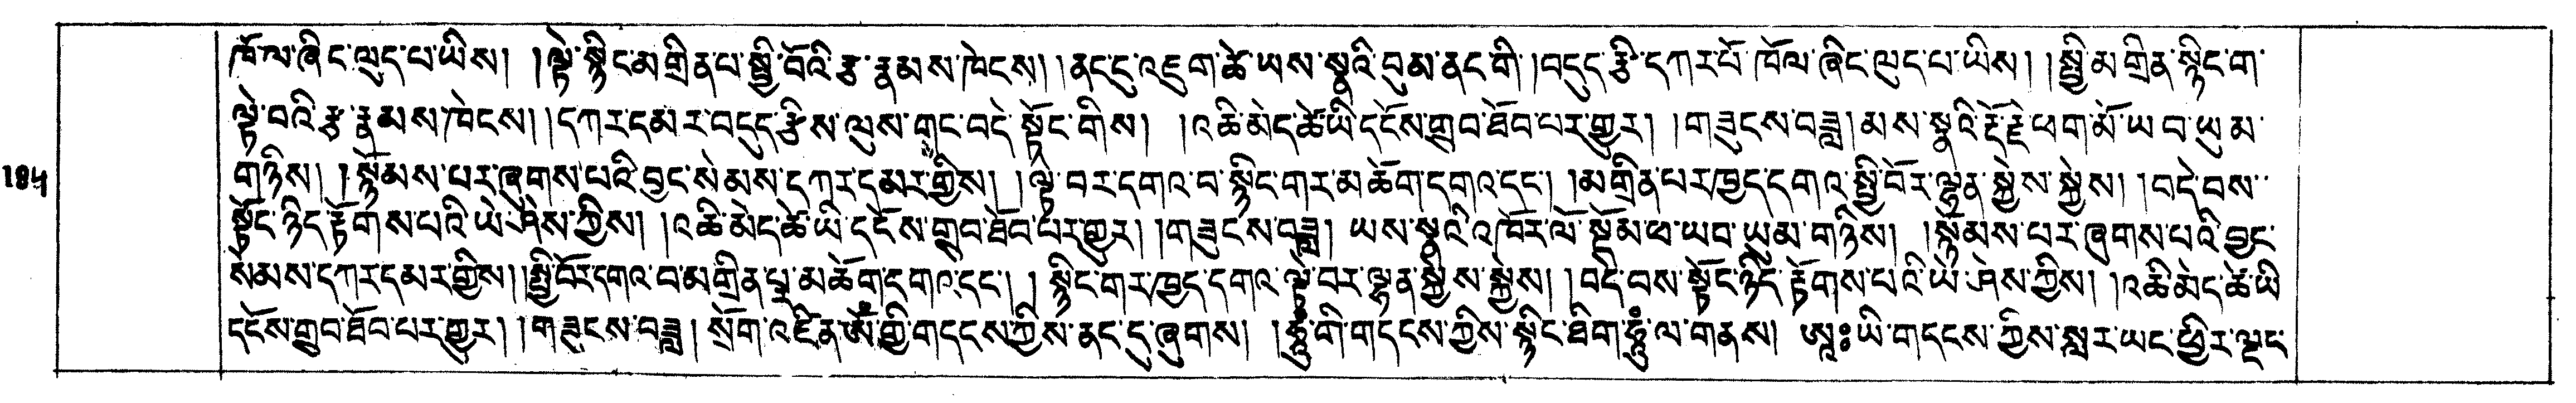ཁོ་ལ་ཞིང་ལུད་པ་ཡིས། །ལྟེ་སྙིང་མགྲིན་པ་སྤྱི་བོའི་རྩ་རྣམས་ཁེངས། །ནང་དུ་འཇུག་ཚེ་ཡས་སྣའི་བུམ་ནང་གི །བདུད་རྩི་དཀར་པོ་ཁོལ་ཞིང་ལུད་པ་ཡིས། །སྤྱི་མགྲིན་སྙིང་ག་
ལྟེ་བའི་རྩ་རྣམས་ཁེངས། །དཀར་དམར་བདུད་རྩིས་ལུས་གང་བདེ་སྟོང་གིས། །འཆི་མེད་ཚེ་ཡི་དངོས་གྲུབ་ཐོབ་པར་གྱུར། །གཟུངས་བཟླ། མས་སྣའི་རྡོ་རྗེ་ཕག་མོ་ཡབ་ཡུམ་
གཉིས། །སྙོམས་པར་ཞུགས་པའི་བྱང་སེམས་དཀར་དམར་གྱིས། །ལྟེ་བར་དགའ་བ་སྙིང་གར་མཆོག་དགའ་དང་། །མགྲིན་པར་ཁྱད་དགའ་སྤྱི་བོར་ལྷན་སྐྱེས་སྐྱེས། །བདེ་བས་
སྟོང་ཉིད་རྟོགས་པའི་ཡེ་ཤེས་ཀྱིས། །འཆི་མེད་ཚེ་ཡི་དངོས་གྲུབ་ཐོབ་པར་གྱུར། །གཟུང་བཟླ། ཡས་སྣའི་འཁོར་ལོ་སྡོམ་ཕ་ཡབ་ཡུམ་གཉིས། །སྙོམས་པར་ཞུགས་པའི་བྱང་
སེམས་དཀར་དམར་གྱིས། །སྤྱི་བོར་དགའ་བ་མགྲིན་པར་མཆོག་དགའ་དང་། །སྙིང་གར་ཁྱད་དགའ་ལྟེ་བར་ལྷན་སྐྱེས་སྐྱེས། །བདེ་བས་སྟོང་ཉིད་རྟོགས་པའི་ཡེ་ཤེས་ཀྱིས། །འཆི་མེད་ཚེ་ཡི་
དངོས་གྲུབ་ཐོབ་པར་གྱུར། །གཟུངས་བཟླ། སྲོག་འཛིན་ཨོཾ་གྱི་གདངས་ཀྱིས་ནང་དུ་ཞུགས། །ཧཱུཾ་གི་གདངས་ཀྱིས་སྙིང་ཐིག་ཧཱུཾ་ལ་གནས། ཨཱཿ ཡི་གདངས་ཀྱིས་སླར་ཡང་ཕྱིར་ལྡང་